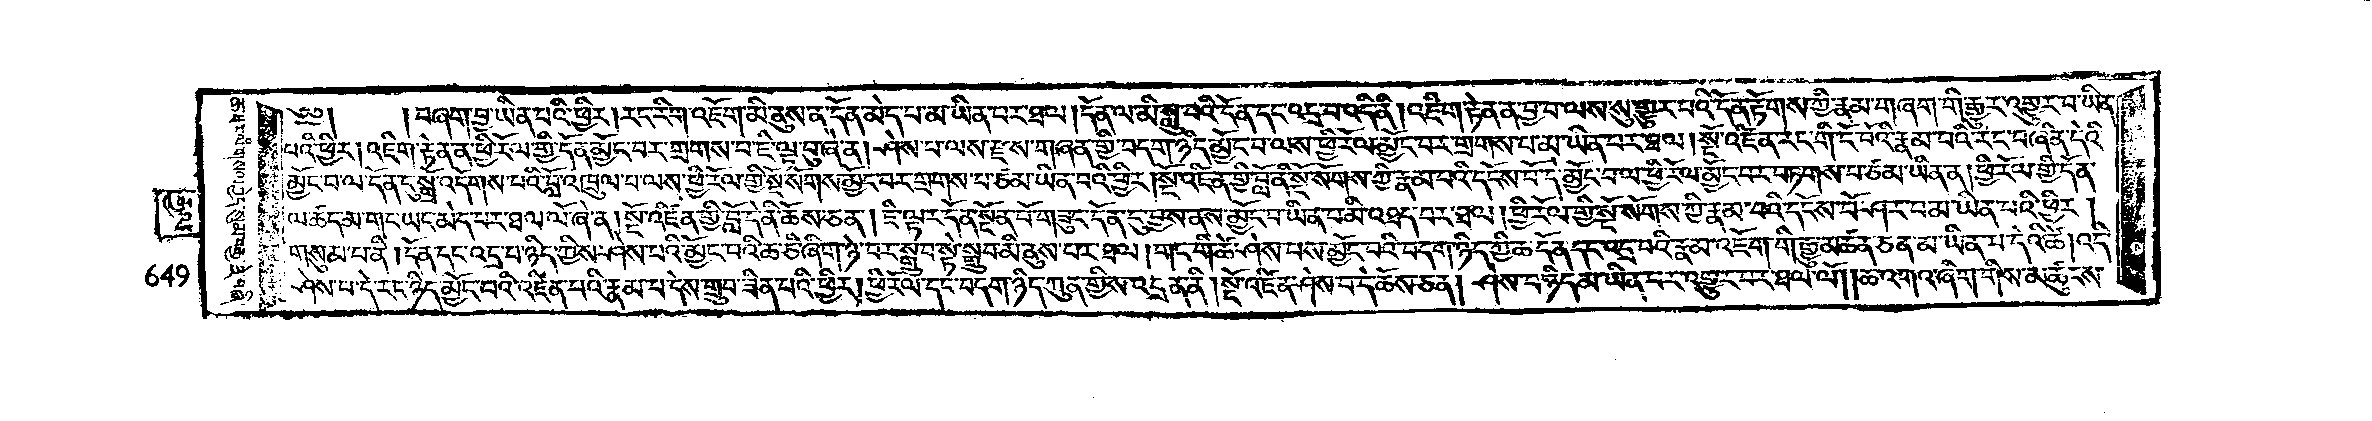༄༅། །བཞག་བྱ་ཡིན་པའི་ཕྱིར། རང་རིག་འཇོག་མི་ནུས་ན་དོན་མེད་པ་མ་ཡིན་པར་ཐལ། དོན་ལ་མི་སླུ་བའི་དོན་དང་འདྲ་བ་འདི་ནི། འཇིག་རྟེན་ན་བྱ་བ་ལས་སུ་གྱུར་པའི་དོན་རྟོགས་ཀྱི་རྣམ་གཞག་གི་རྒྱུར་འགྱུར་བ་ཡིན་
པའི་ཕྱིར། འཇིག་རྟེན་ན་ཕྱི་རོལ་གྱི་དོན་མྱོང་བར་གྲགས་པ་ཇི་ལྟ་བུ་ཞེ་ན། ཤེས་པ་ལས་རྫས་གཞན་གྱི་བདག་ཉིད་མྱོང་བ་ལས་ཕྱི་རོལ་མྱོང་བར་གྲགས་པ་མ་ཡིན་པར་ཐལ། སྔོ་འཛིན་རང་གི་ངོ་བོའི་རྣམ་པའི་རང་བཞིན་དེའི་
མྱོང་བ་ལ་དོན་དུ་སྒྲོ་འདོགས་པའི་བློ་འཁྲུལ་པ་ལས་ཕྱི་རོལ་གྱི་སྔོ་སོགས་མྱོང་བར་གྲགས་པ་ཙམ་ཡིན་པའི་ཕྱིར། སྔོ་འཛིན་གྱི་བློ་ནི་སྔོ་སོགས་ཀྱི་རྣམ་པའི་དངོས་པོ་དེ་མྱོང་བ་ལ་ཕྱི་རོལ་མྱོང་བར་བཏགས་པ་ཙམ་ཡིན་ན། ཕྱི་རོལ་གྱི་དོན་
ལ་ཚད་མ་གང་ཡང་མེད་པར་ཐལ་ལོ་ཞེ་ན། སྔོ་འཛིན་གྱི་བློ་དེ་ནི་ཆོས་ཅན། ཇི་ལྟར་དོན་སྔོན་པོ་གཟུང་དོན་དུ་བྱས་ནས་མྱོང་བ་ཡིན་པ་མི་འཐད་པར་ཐལ། ཕྱི་རོལ་གྱི་སྔོ་སོགས་ཀྱི་རྣམ་པའི་དངོས་པོ་ཤར་བ་མ་ཡིན་པའི་ཕྱིར།
གསུམ་པ་ནི། དོན་དང་འདྲ་པ་ཉིད་ཀྱིས་ཤེས་པའི་མྱོང་བའི་ཆ་ཅི་ཞིག་ཉེ་བར་སྒྲུབ་སྟེ་སྒྲུབ་མི་ནུས་པར་ཐལ། གང་གི་ཚེ་ཤེས་པས་མྱོང་བའི་བདག་ཉིད་ཀྱི་ཆ་དོན་དང་འདྲ་བའི་རྣམ་འཇོག་གི་རྒྱུ་མཚན་ཅན་མ་ཡིན་པ་དེའི་ཚེ། འདི་
ཤེས་པ་དེ་རང་ཉིད་མྱོང་བའི་འཛིན་པའི་རྣམ་པ་དེས་གྲུབ་ཟིན་པའི་ཕྱིར། ཕྱི་རོལ་དང་བདག་ཉིད་ཀུན་གྱིས་འདྲ་ན་ནི། སྔོ་འཛིན་ཤེས་པ་དེ་ཆོས་ཅན། ཤེས་པ་ཉིད་མ་ཡིན་པར་འགྱུར་བར་ཐལ་ལོ། །ཆ་འགའ་ཞིག་གིས་མཚུངས་